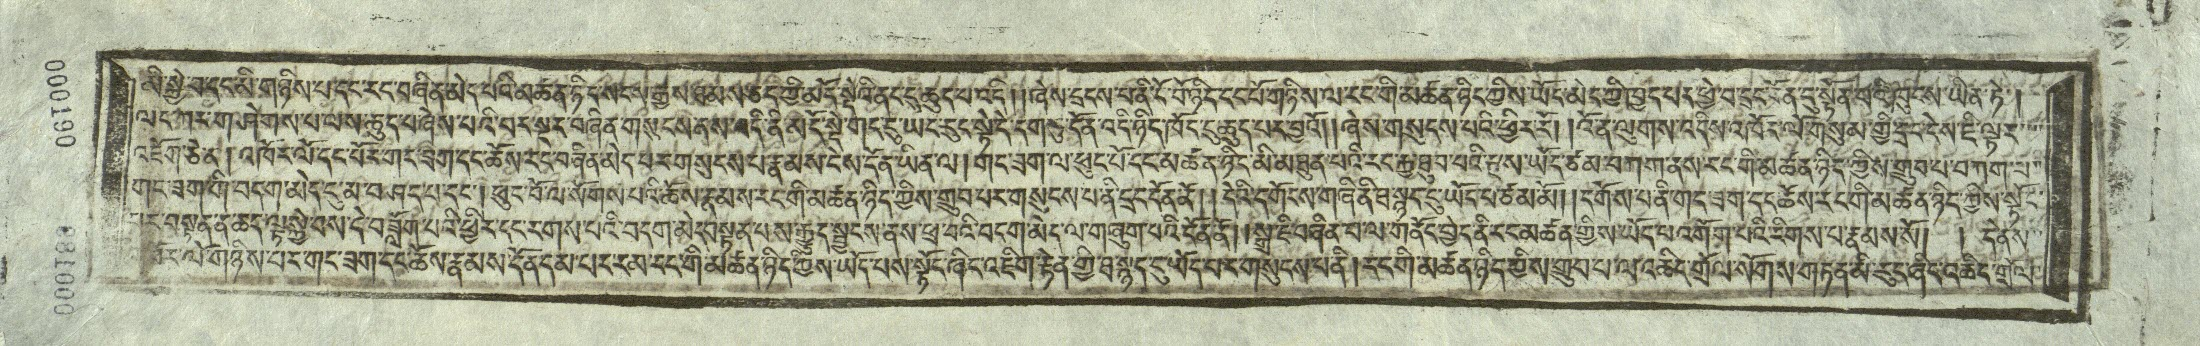མི་སྐྱེ་བ་དང་མི་གཉིས་པ་དང་རང་བཞིན་མེད་པའི་མཚན་ཉིད་སངས་རྒྱས་ཐམས་ཅད་ཀྱི་མདོ་སྡེའི་ནང་དུ་ཆུད་པ་འདི། །ཞེས་དྲངས་པ་ནི་ངོ་བོ་ཉིད་དང་པོ་གཉིས་ལ་རང་གི་མཚན་ཉིད་ཀྱིས་ཡོད་མེད་ཀྱི་ཁྱད་པར་ཕྱེ་བ་དྲང་དོན་དུ་སྟོན་པའི་ཁུངས་ཡིན་ཏེ།
ལང་ཀར་གཤེགས་པ་ལས་ཆུད་པ་ཞེས་པའི་བར་སྔར་བཞིན་གསུངས་ནས་འདི་ནི་མདོ་སྡེ་གང་དུ་ཡང་རུང་སྟེ་དེ་དག་ཏུ་དོན་འདི་ཉིད་ཁོང་དུ་ཆུད་པར་བྱའོ། །ཞེས་གསུངས་པའི་ཕྱིར་རོ། །འོ་ན་ལུགས་འདིས་འཁོར་ལོ་གསུམ་གྱི་དྲང་ངེས་ཇི་ལྟར་
འཇོག་ཅེ་ན། འཁོར་ལོ་དང་པོར་གང་ཟག་དང་ཆོས་རང་བཞིན་མེད་པར་གསུངས་པ་རྣམས་ངེས་དོན་ཡིན་ལ། གང་ཟག་ལ་ཕུང་པོ་དང་མཚན་ཉིད་མི་མཐུན་པའི་རང་རྐྱ་ཐུབ་པའི་རྫས་ཡོད་ཙམ་བཀག་ནས་རང་གི་མཚན་ཉིད་ཀྱིས་གྲུབ་པ་བཀག་པ་
གང་ཟག་གི་བདག་མེད་དུ་མ་བཤད་པ་དང་། ཕུང་པོ་ལ་སོགས་པའི་ཆོས་རྣམས་རང་གི་མཚན་ཉིད་ཀྱིས་གྲུབ་པར་གསུངས་པ་ནི་དྲང་དོན་ནོ། །དེའི་དགོངས་གཞི་ནི་ཐ་སྙད་དུ་ཡོད་པ་ཙམ་མོ། །དགོས་པ་ནི་གང་ཟག་དང་ཆོས་རང་གི་མཚན་ཉིད་ཀྱིས་སྟོང་
པར་བསྟན་ན་ཆད་ལྟ་སྐྱེ་བས་དེ་བཟློག་པའི་ཕྱིར་དང་རིགས་པའི་བདག་མེད་བསྟན་པས་རྒྱུད་སྦྱངས་ནས་ཕྲ་བའི་བདག་མེད་ལ་གཞུག་པའི་དོན་ནོ། །སྒྲ་ཇི་བཞིན་པ་ལ་གནོད་བྱེད་ནི་རང་མཚན་གྱིས་ཡོད་པ་འགོག་པའི་རིགས་པ་རྣམས་སོ། །དེ་ནས་
འཁོར་ལོ་གཉིས་པར་གང་ཟག་དང་ཆོས་རྣམས་དོན་དམ་པར་རམ་རང་གི་མཚན་ཉིད་ཀྱིས་ཡོད་པས་སྟོང་ཞིང་འཇིག་རྟེན་གྱི་ཐ་སྙད་དུ་ཡོད་པར་གསུངས་པ་ནི། རང་གི་མཚན་ཉིད་ཀྱིས་གྲུབ་པ་ལ་འཆིང་གྲོལ་སོགས་གཏན་མི་རུང་ཞིང་འཆིང་གྲོལ་